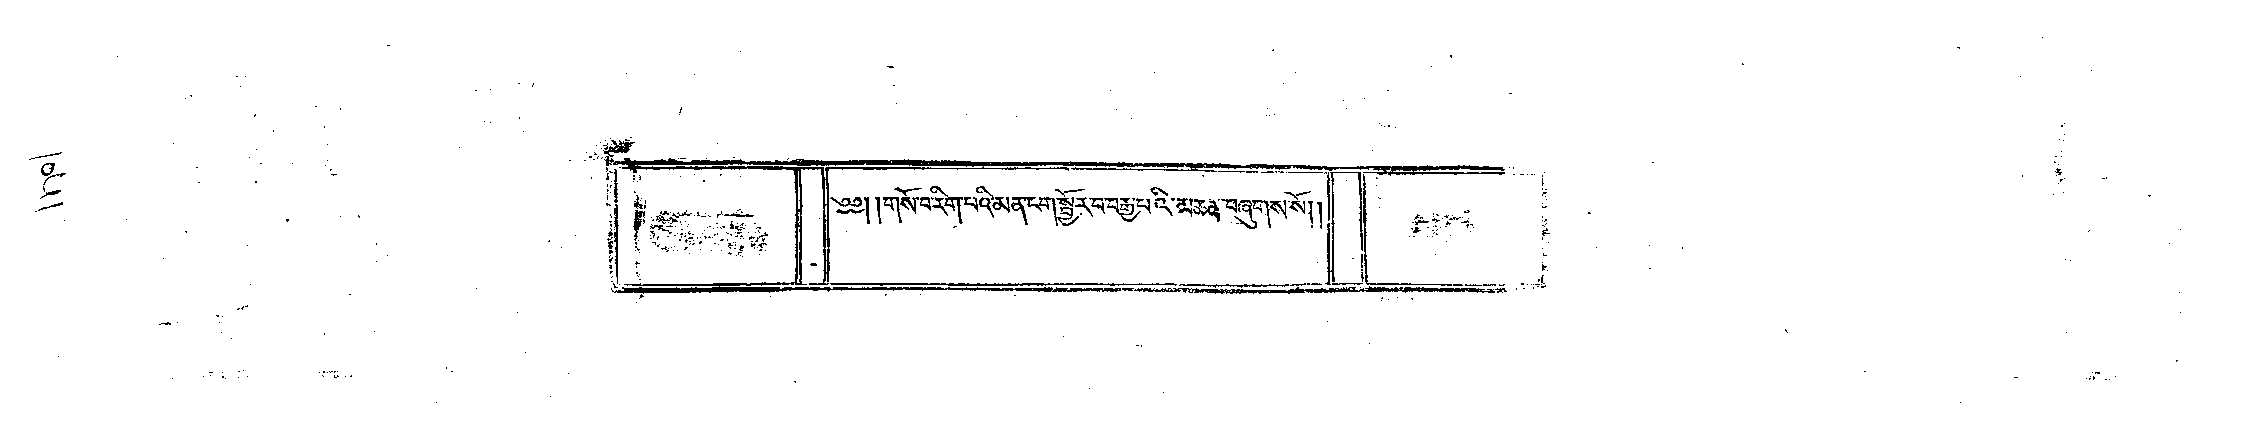༄༅། །གསོ་བ་རིག་པའི་མན་ངག་སྦྱོར་བ་བརྒྱ་པའི་མཆན་བཞུགས་སོ།།